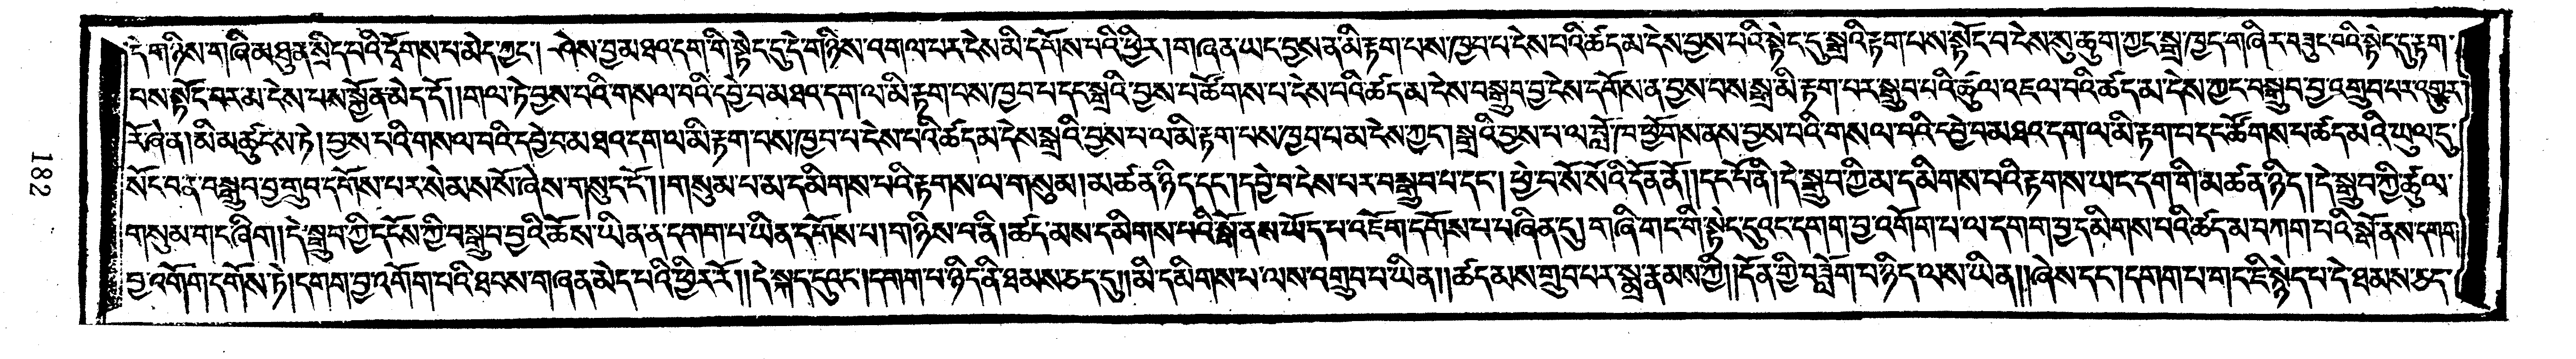དེ་གཉིས་གཞི་མཐུན་སྲིད་པའི་དྭོགས་པ་མེད་ཀྱང་། ཤེས་བྱ་མཐའ་དག་གི་སྟེང་དུ་དེ་གཉིས་འགལ་བར་ངེས་མི་དགོས་པའི་ཕྱིར། གཞན་ཡང་བྱས་ན་མི་རྟག་པས་ཁྱབ་པ་ངེས་པའི་ཚད་མ་དེས་བྱས་པའི་སྟེང་དུ་སྒྲའི་རྟག་པས་སྟོང་བ་ངེས་སུ་ཆུག་ཀྱང་སྒྲ་ཁྱད་གཞིར་བཟུང་བའི་སྟེང་དུ་རྟག་
པས་སྟོང་བར་མ་ངེས་པས་སྐྱོན་མེད་དོ། །གལ་ཏེ་བྱས་པའི་གསལ་བའི་དབྱེ་བ་མཐའ་དག་ལ་མི་རྟག་པས་ཁྱབ་པ་དང་སྒྲའི་བྱས་པ་ཚོགས་པ་ངེས་པའི་ཚད་མ་དེས་བསྒྲུབ་བྱ་ངེས་དགོས་ན་བྱས་པས་སྒྲ་མི་རྟག་པར་སྒྲུབ་པའི་ཚུལ་འཇལ་བའི་ཚད་མ་དེས་ཀྱང་བསྒྲུབ་བྱ་འགྲུབ་པར་འགྱུར་
རོ་ཞེ་ན། མི་མཚུངས་ཏེ། བྱས་པའི་གསལ་བའི་དབྱེ་བ་མཐའ་དག་ལ་མི་རྟག་པས་ཁྱབ་པ་ངེས་པའི་ཚད་མ་དེས་སྒྲའི་བྱས་པ་ལ་མི་རྟག་པས་ཁྱབ་པ་མ་ངེས་ཀྱང་། སྒྲའི་བྱས་པ་ལ་བློ་ཁ་ཕྱོགས་ནས་བྱས་པའི་གསལ་བའི་དབྱེ་བ་མཐའ་དག་ལ་མི་རྟག་པ་དང་ཚོགས་པ་ཚད་མའི་ཡུལ་དུ་
སོང་བ་ན་བསྒྲུབ་བྱ་གྲུབ་དགོས་པར་སེམས་སོ་ཞེས་གསུང་ངོ། །གསུམ་པ་མ་དམིགས་པའི་རྟགས་ལ་གསུམ། མཚན་ཉིད་དང་། དབྱེ་བ་ངེས་པར་བསྒྲུབ་པ་དང་། ཕྱེ་བ་སོ་སོའི་དོན་ནོ། །དང་པོ་ནི། དེ་སྒྲུབ་ཀྱི་མ་དམིགས་པའི་རྟགས་ཡང་དག་གི་མཚན་ཉིད། དེ་སྒྲུབ་ཀྱི་ཚུལ་
གསུམ་གང་ཞིག །དེ་སྒྲུབ་ཀྱི་དངོས་ཀྱི་བསྒྲུབ་བྱའི་ཆོས་ཡིན་ན་དགག་པ་ཡིན་དགོས་པ། གཉིས་པ་ནི། ཚད་མས་དམིགས་པའི་སྒོ་ནས་ཡོད་པ་འཇོག་དགོས་པ་བཞིན་དུ། གཞི་གང་གི་སྟེང་དུའང་དགག་བྱ་འགོག་པ་ལ་དགག་བྱ་དམིགས་པའི་ཚད་མ་བཀག་པའི་སྒོ་ནས་དགག་
བྱ་འགོག་དགོས་ཏེ། དགག་བྱ་འགོག་པའི་ཐབས་གཞན་མེད་པའི་ཕྱིར་རོ། །དེ་སྐད་དུའང་། དགག་པ་ཉིད་ནི་ཐམས་ཅད་དུ། །མི་དམིགས་པ་ལས་འགྲུབ་པ་ཡིན། །ཚད་མས་གྲུབ་པར་སྨྲ་རྣམས་ཀྱི། །དོན་གྱི་བཟློག་པ་ཉིད་ལས་ཡིན། །ཞེས་དང་། དགག་པ་གང་ཇི་སྙེད་པ་དེ་ཐམས་ཅད་